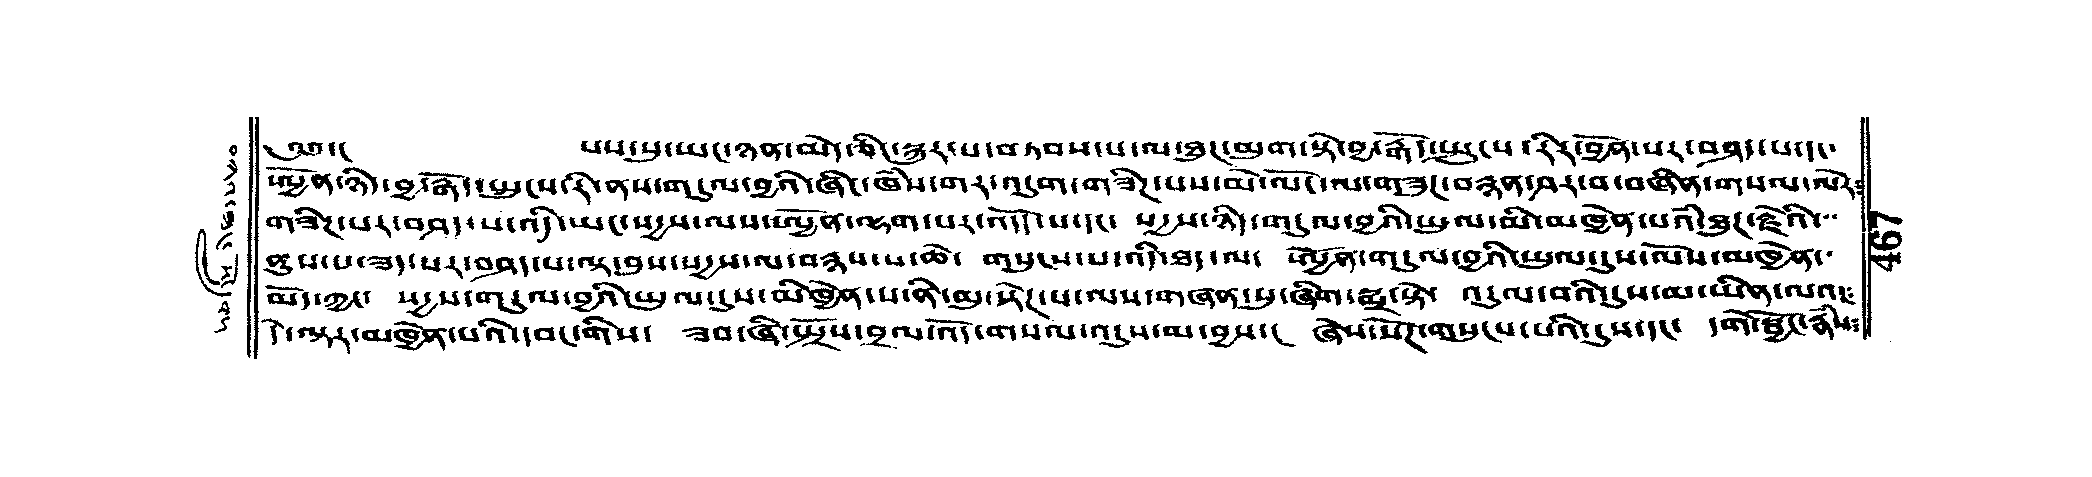པས་སུ་ཡང་ཉན་མེད་ཅིང་སྐུར་པ་བཏབས་པ་ལ་ཐུགས་མུག་སྟེ་བྱ་རྒོད་སྤུངས་རིར་བྱོན་པར་བཤད་པ་དང་།
ཨོ་རྒྱན་ཉིད་བྱ་རྒོད་སྤུངས་རི་ནས་གདུལ་བྱའི་ཞིང་ཁམས་གར་འདུག་གཟིགས་པས་མེ་ལོང་ལ་གཟུགས་བརྙན་ཤར་བ་བཞིན་གསལ་པོར་
གཟིགས་པར་བཤད་པ་འདི་ཡང་སངས་རྒྱས་ལས་ཨོ་རྒྱན་ལྷག་པར་འདོད་པ་དང་། སངས་རྒྱས་ཉིད་གདུལ་བྱའི་ཡུལ་མི་མཁྱེན་པའམ་ཐུགས་རྗེའི་
ནུས་པ་ཟད་པར་བཤད་པ་ལྟ་བུས་སངས་རྒྱས་ལ་བརྙས་པ་ཆེ་གསུངས་པ་འདི་ཐད་ལ། ཨོ་རྒྱན་གདུལ་བྱའི་ཡུལ་དུས་ལོས་མཁྱེན་
མོད་ཀྱང་། སངས་རྒྱས་གདུལ་བྱའི་ཡུལ་དུས་མི་མཁྱེན་པ་ནི་མུ་སྟེགས་པ་ལས་གཞན་སུ་ཞིག་སྨྲ་སྟེ། འདུལ་བའི་དུས་མ་ཡིན་པའང་
དེ་ལྟར་མཁྱེན་པའི་དབང་གིས། ཟབ་ཞི་སྤྲོས་བྲལ་འོད་གསལ་འདུས་མ་བྱས། ཞེས་སོགས་གསུངས་པའི་དུས་དང་། དགེ་སྦྱོང་རྣམས་